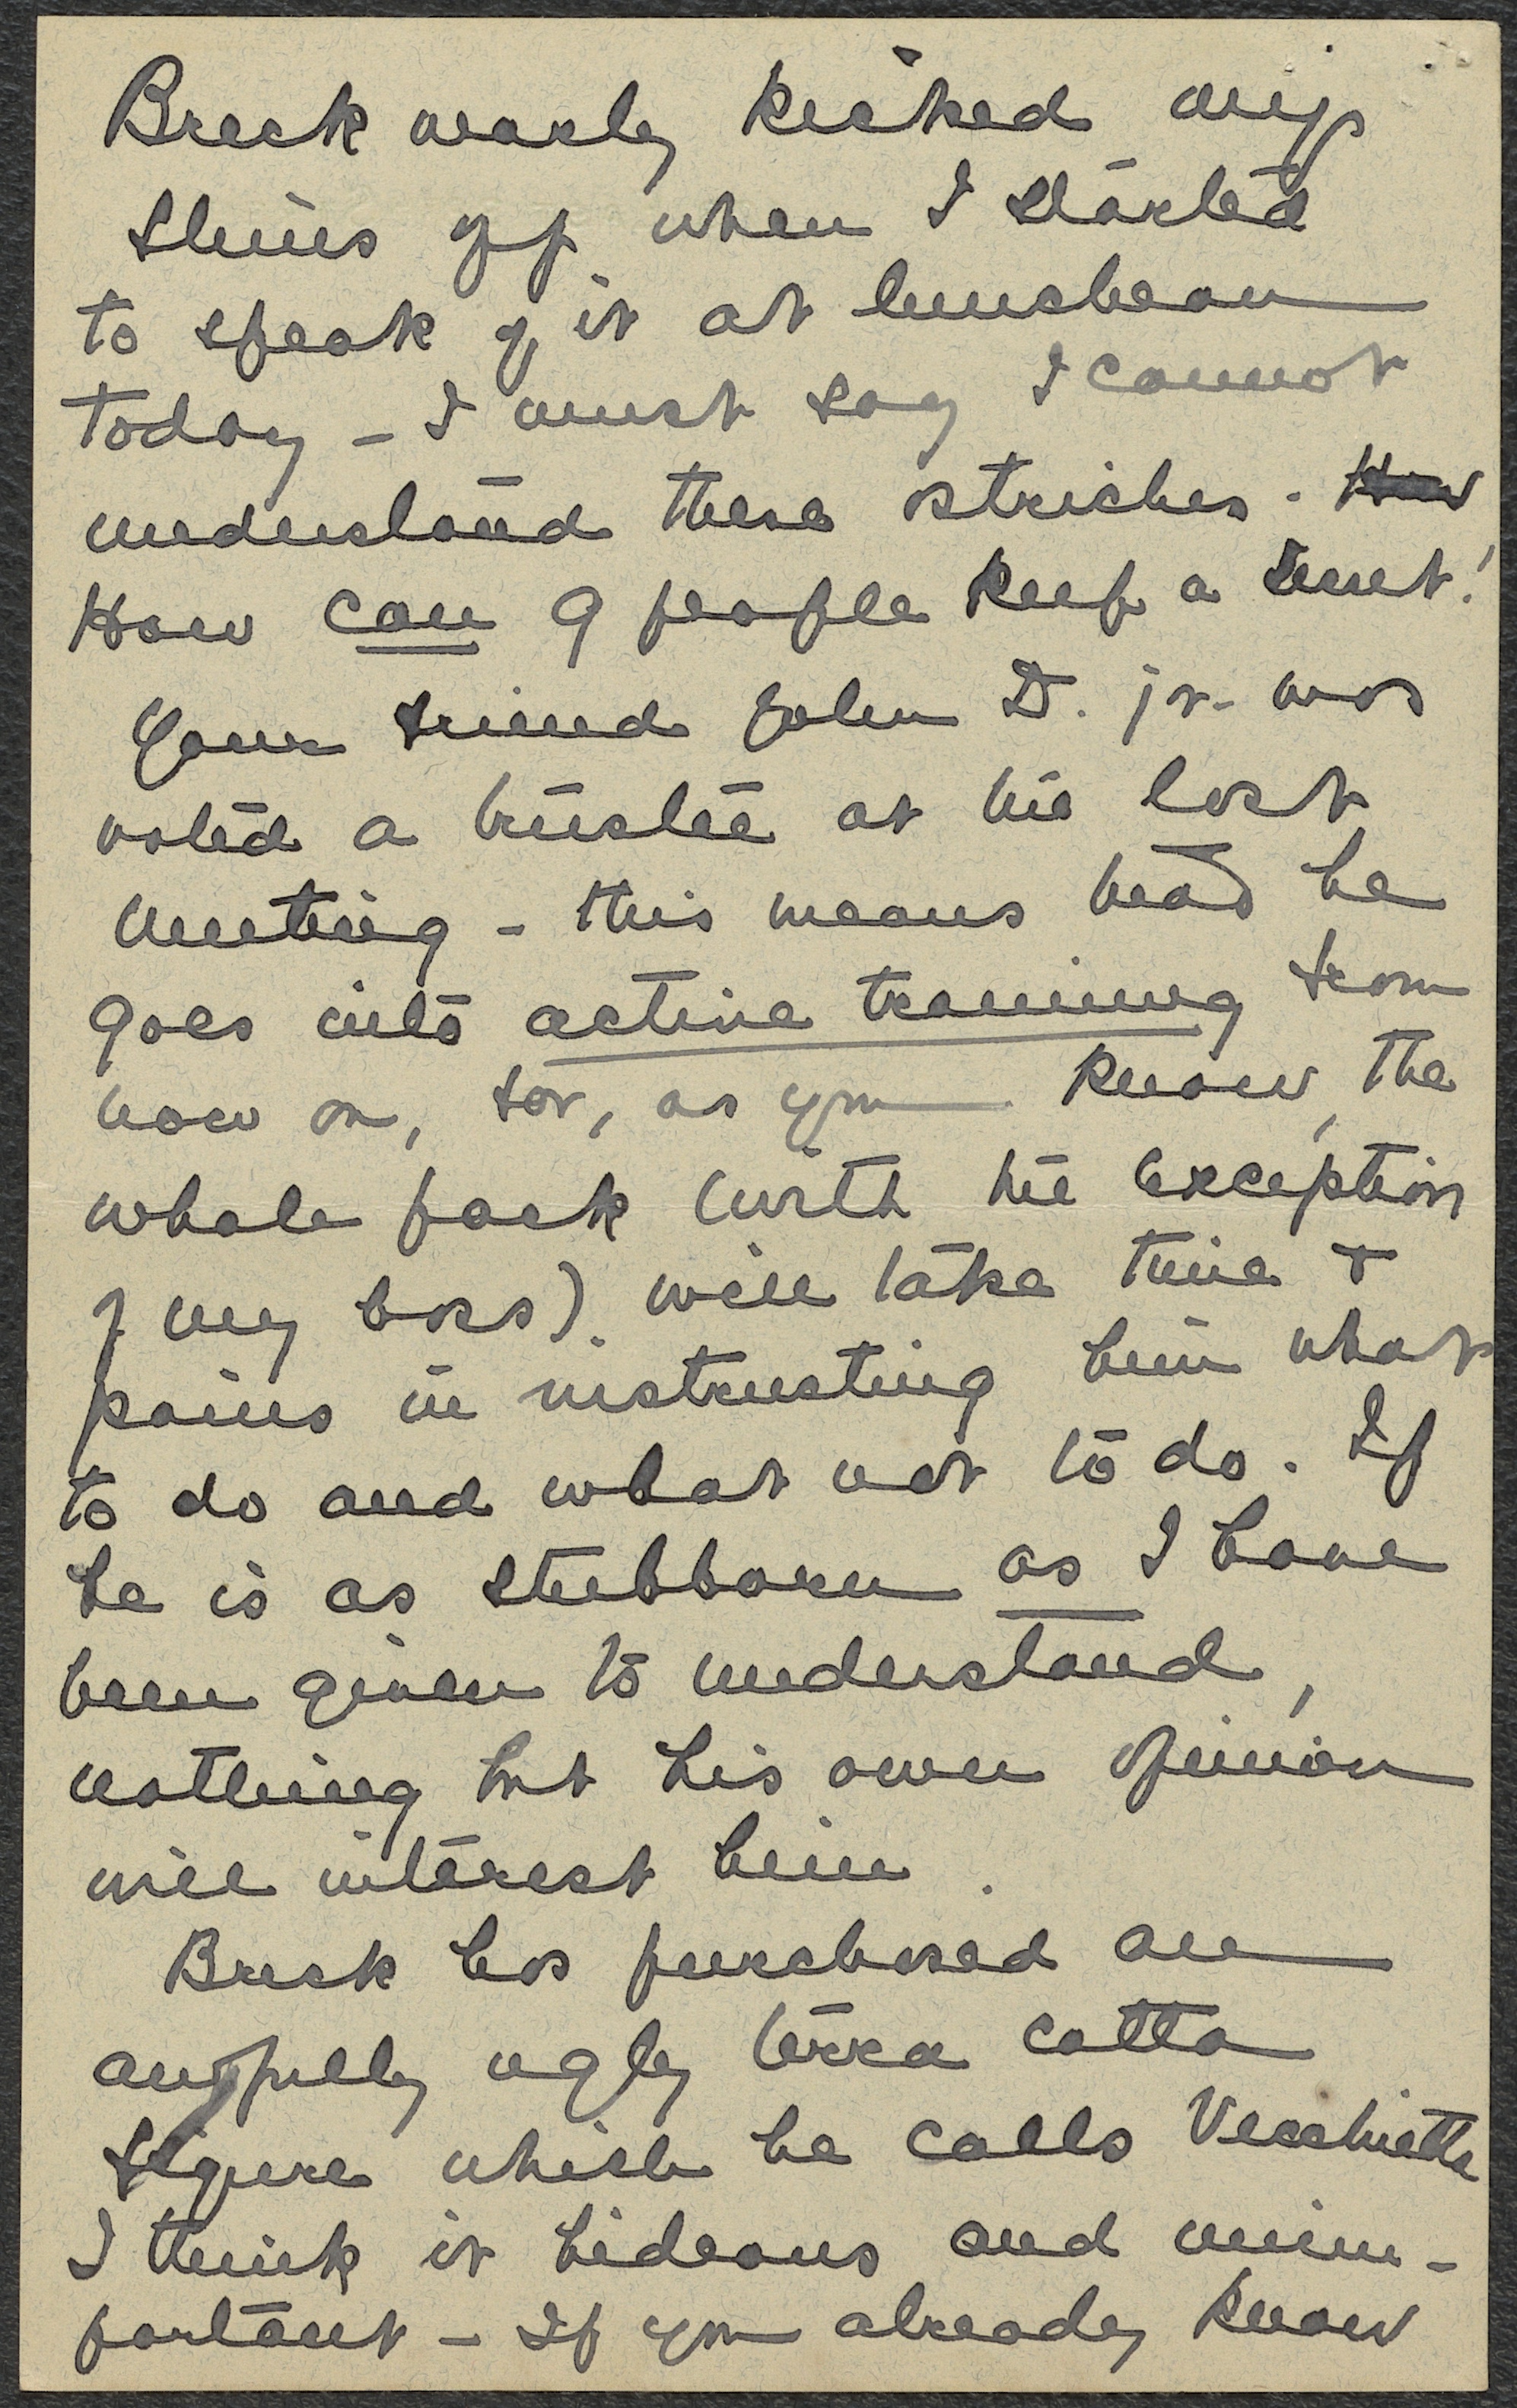Breck nearly kicked my shins off when I started to speak of it at luncheon today – I must say I cannot understand these ostriches – How How can 9 people keep a secret!
Your friend John D. jr. was voted a trustee at his last meeting – this means that he goes into active training from now on, for, as you know, the whole pack (with the exception of my boss) will take time & pains in instructing him what to do and what not to do. If he is as stubborn as I have been given to understand, nothing but his own opinion will interest him.
Breck has purchased an awfully ugly terra cotta figure which he calls Vecchietta I think it hideous and unimportant – If you already know